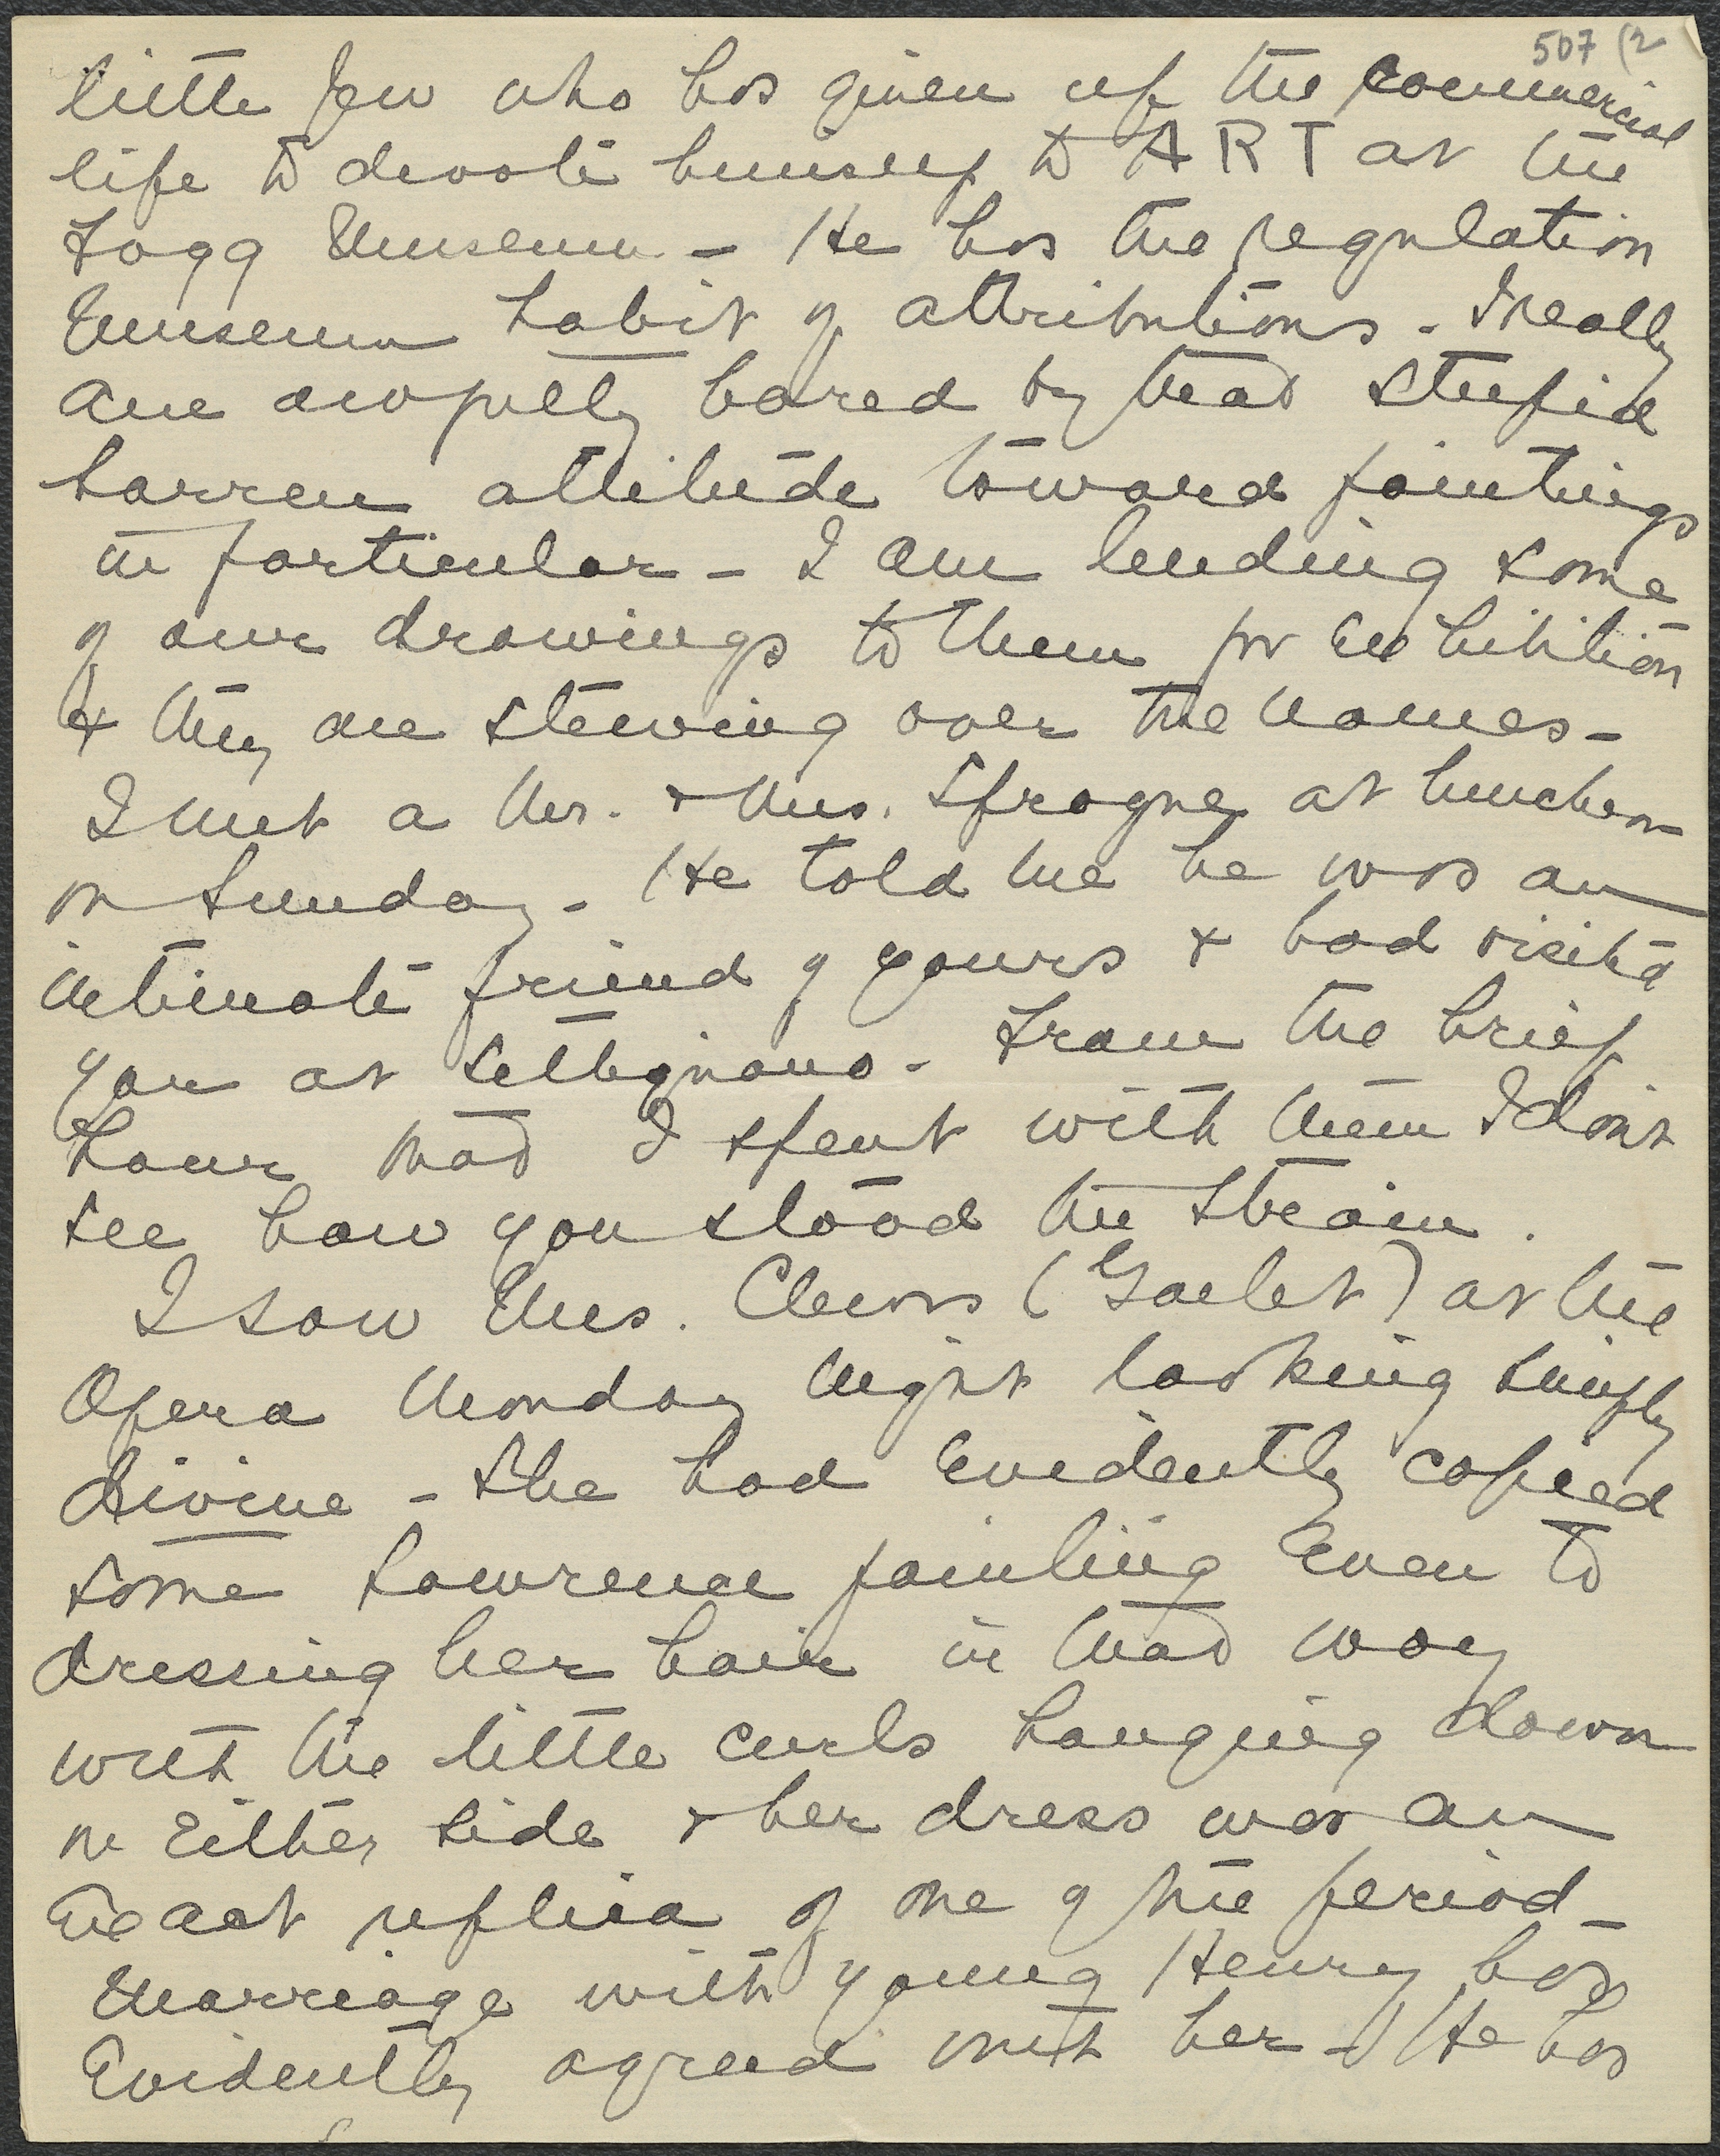little Jew who has given up the commercial life to devote himself to [print script: ART] at the Fogg Museum – He has the regulation Museum habit of attributions – I really am awfully bored by that stupid barren attitude toward paintings in particular – I am lending some of our drawings to them for exhibition & they are stewing over the names – I met a Mr. & Mrs. Sprague at luncheon on Sunday – He told me he was an intimate friend of yours & had visited you at Settignano – From the brief hour that I spent with them I don't see how you stood the strain.
I saw Mrs. Chew (Gaelet) at the opera Monday night looking simply divine – She had evidently copied some Lawrence painting even to dressing her hair in that way with the little curls hanging down on either side & her dress was an exact replica of one of the period – Marriage with young Henry has evidently agreed with her – He has